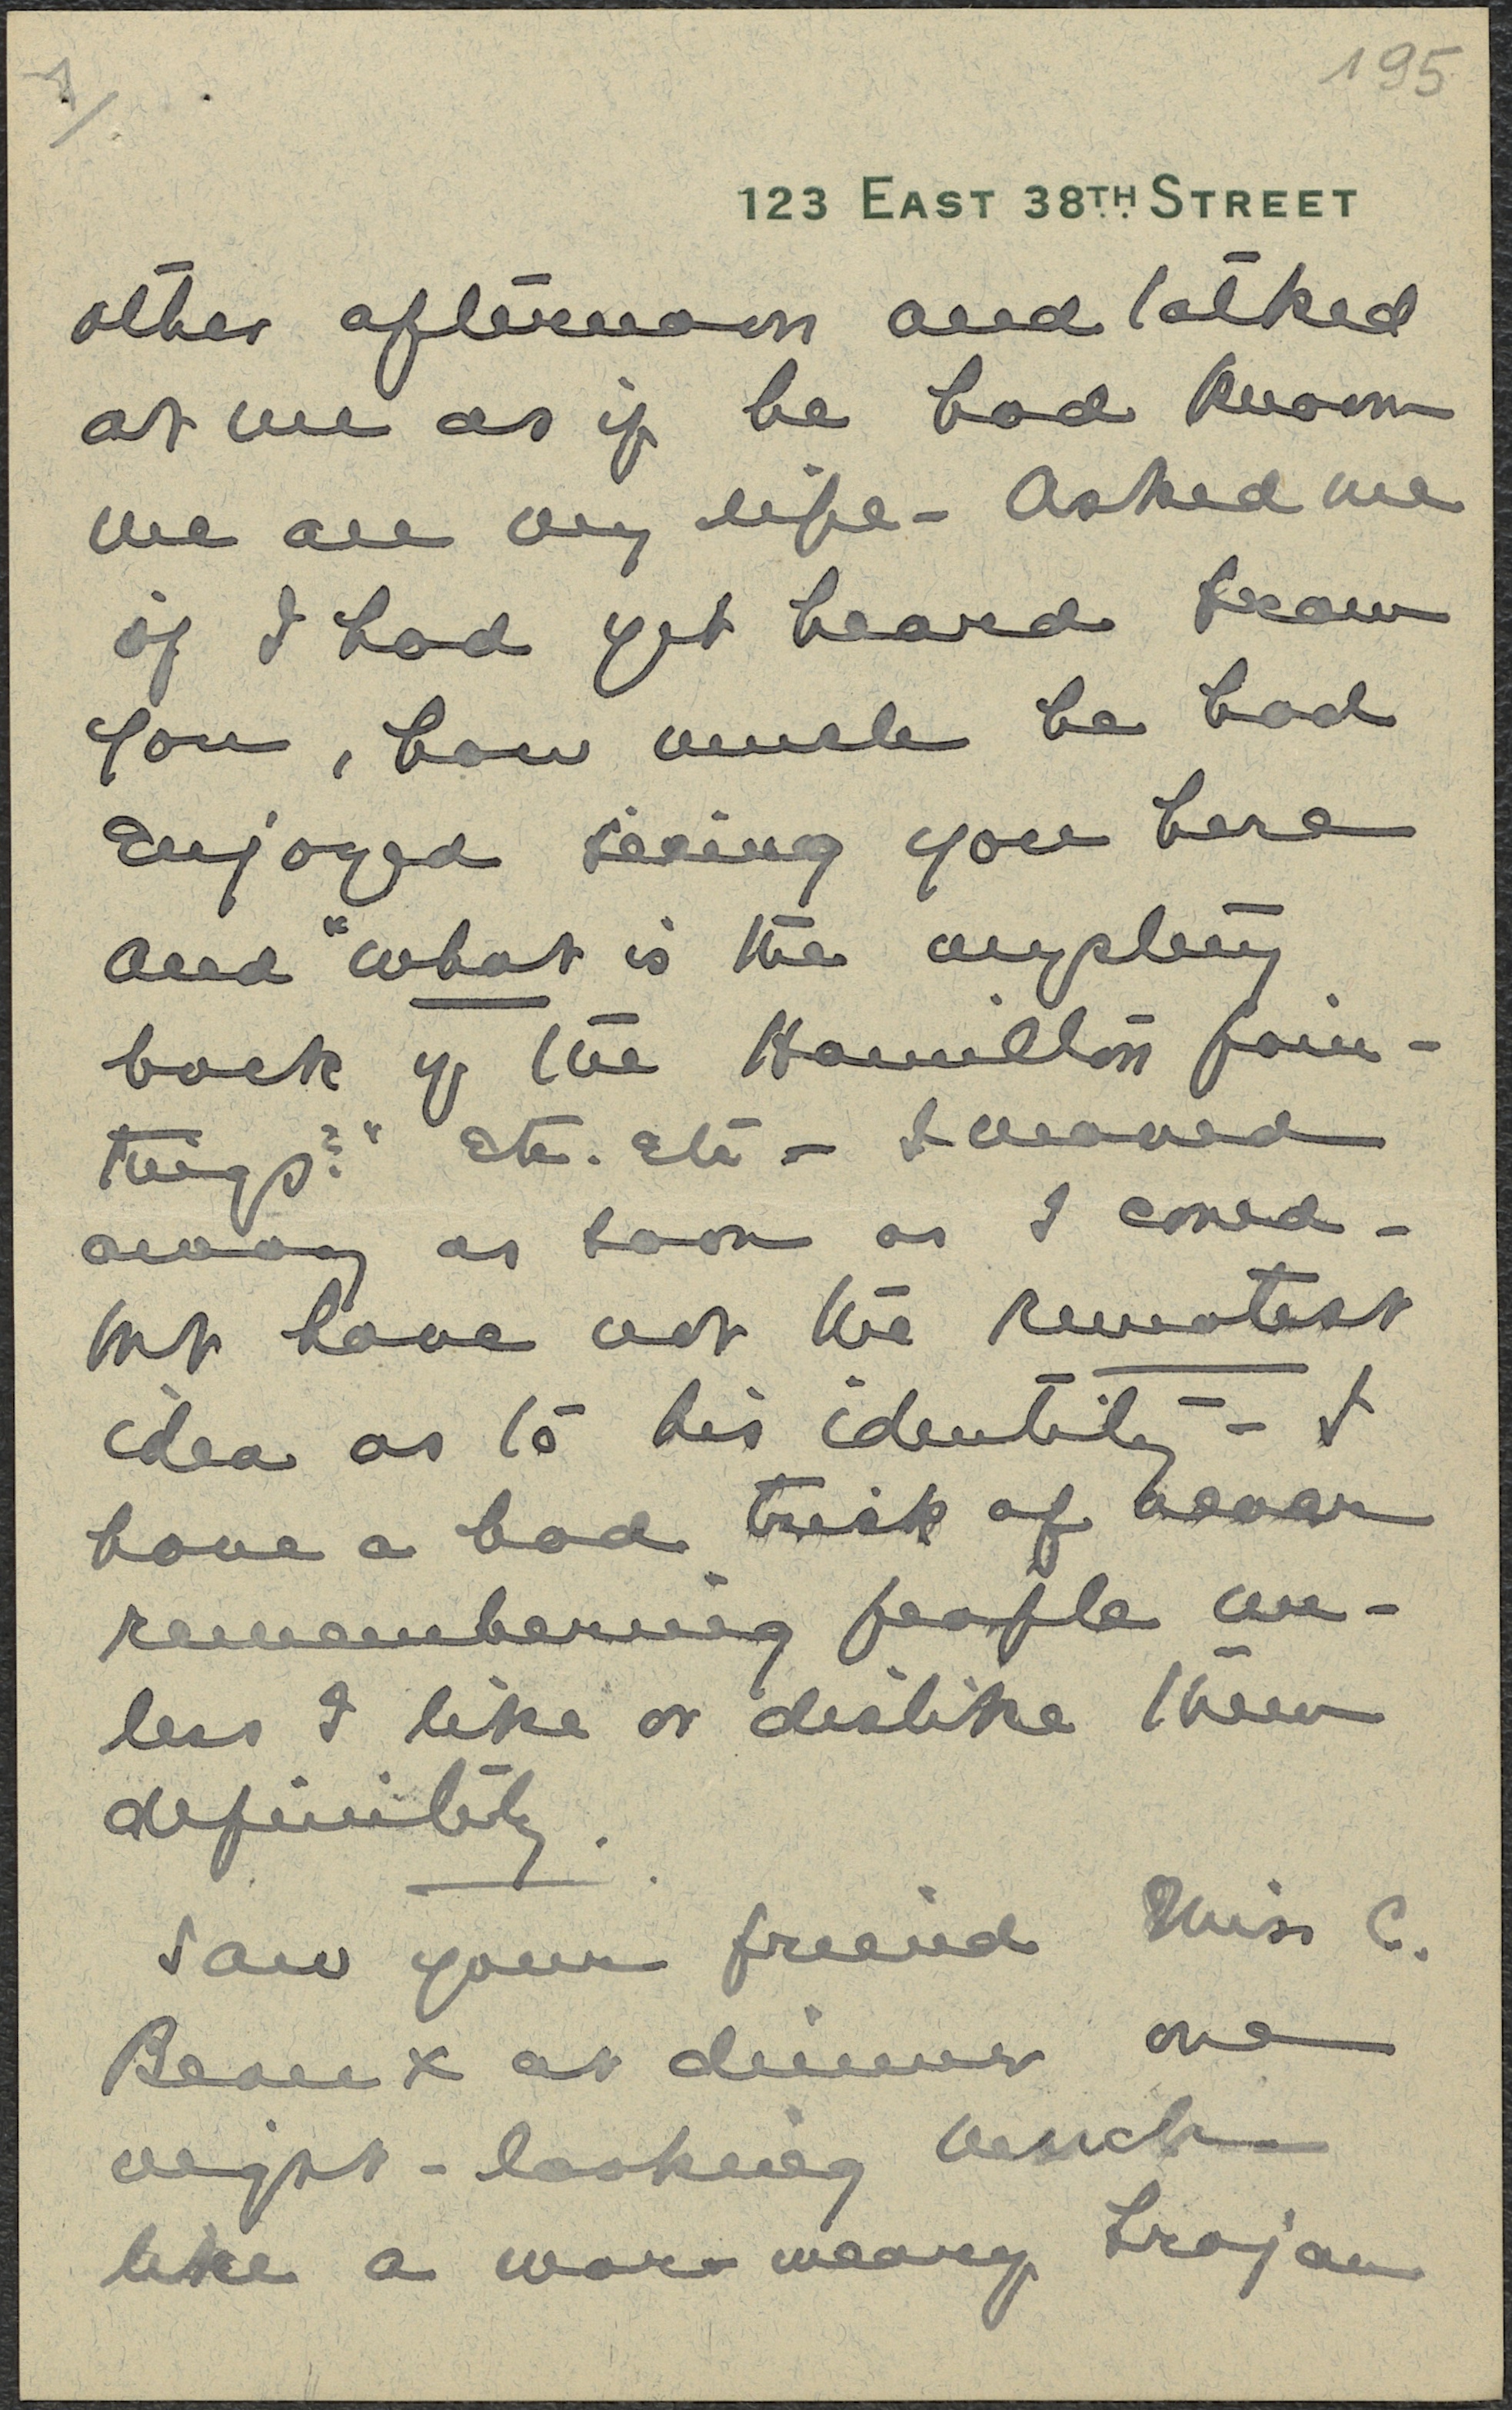other afternoon and talked at me as if he had known me all my life – Asked me if I had yet heard from you, how much he had enjoyed seeing you here and "what is the mystery book of the Hamilton paintings?" etc. etc – I moved away as soon as I could – but have not the remotest idea as to his identity – I have a bad trick of never remembering people unless I like or dislike them definitely.
I saw your friend Miss C. Beaux at dinner one night – looking much like a more weary Trojan